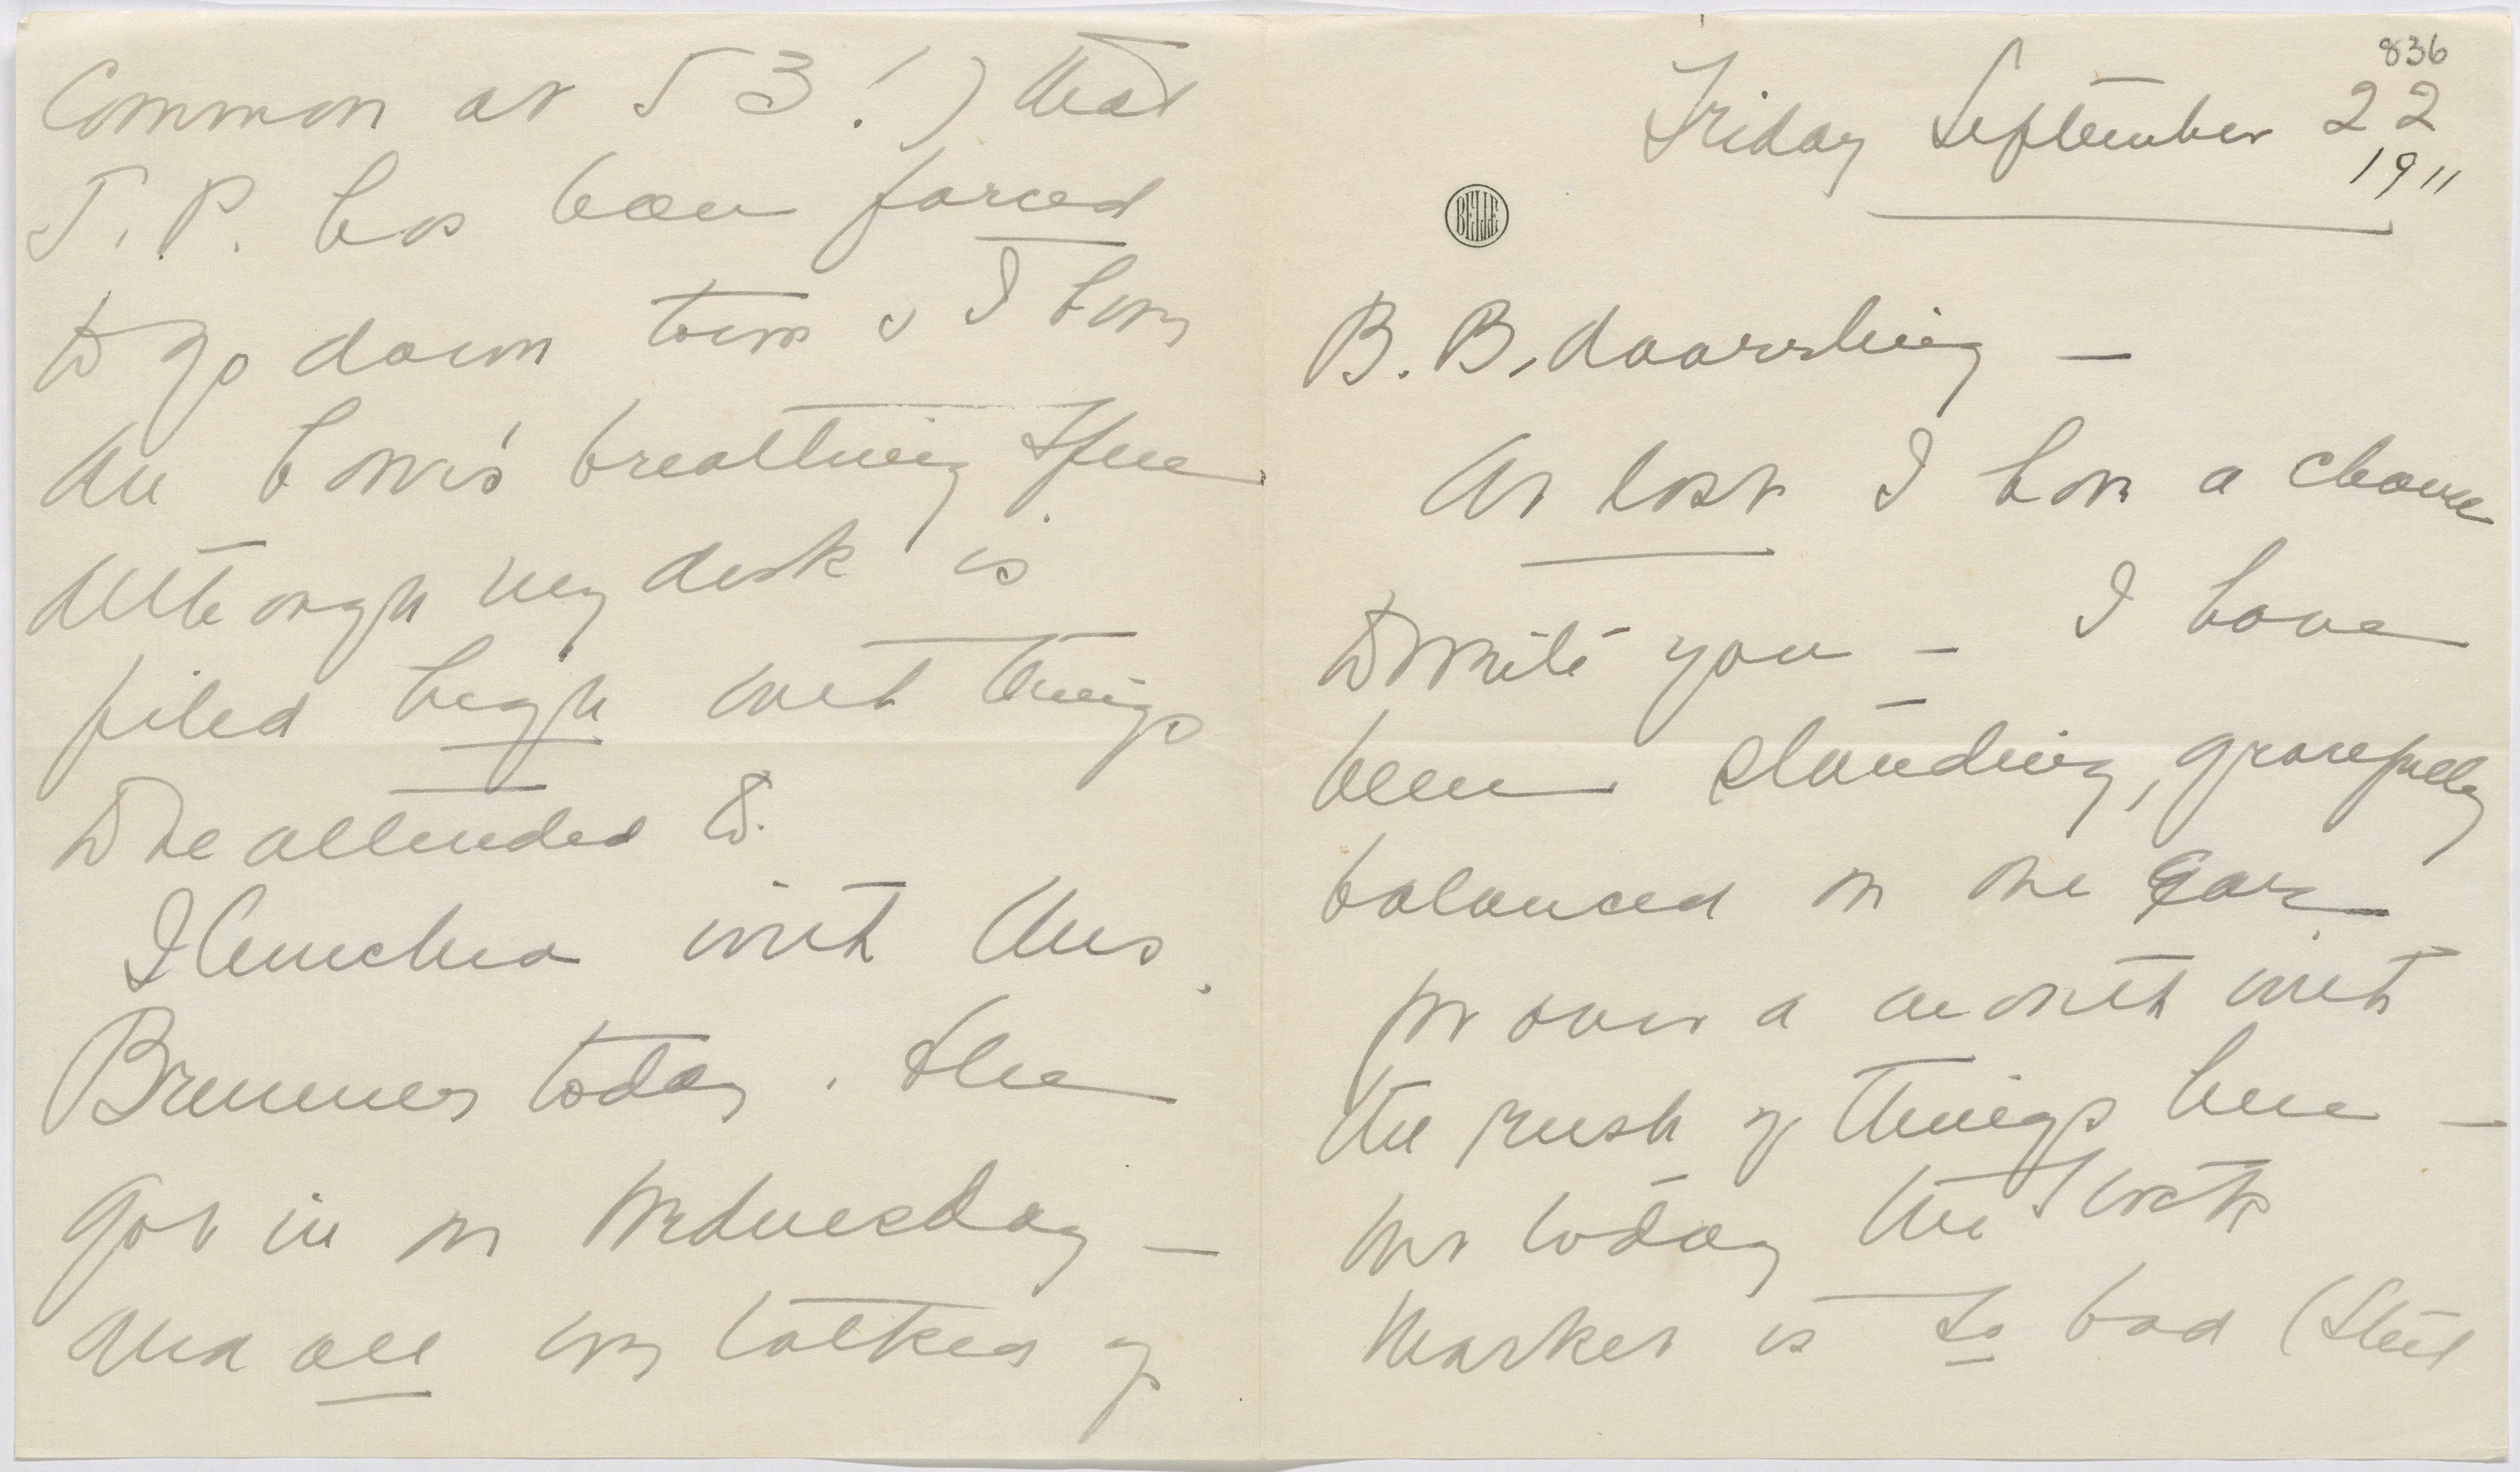Friday September 22
B. B. daarrling –
At last I have a chance to write you – I have been standing, gracefully balanced on one ear for over a month with the rush of things here – but today the stock market is so bad (Steel
Common at 53!) that J. P. has been forced to go down town & I have the hour’s breathing space although my desk is piled high with things to be attended to.
I lunched with Mrs. Brunner today. She got in on Wednesday – and all we talked of